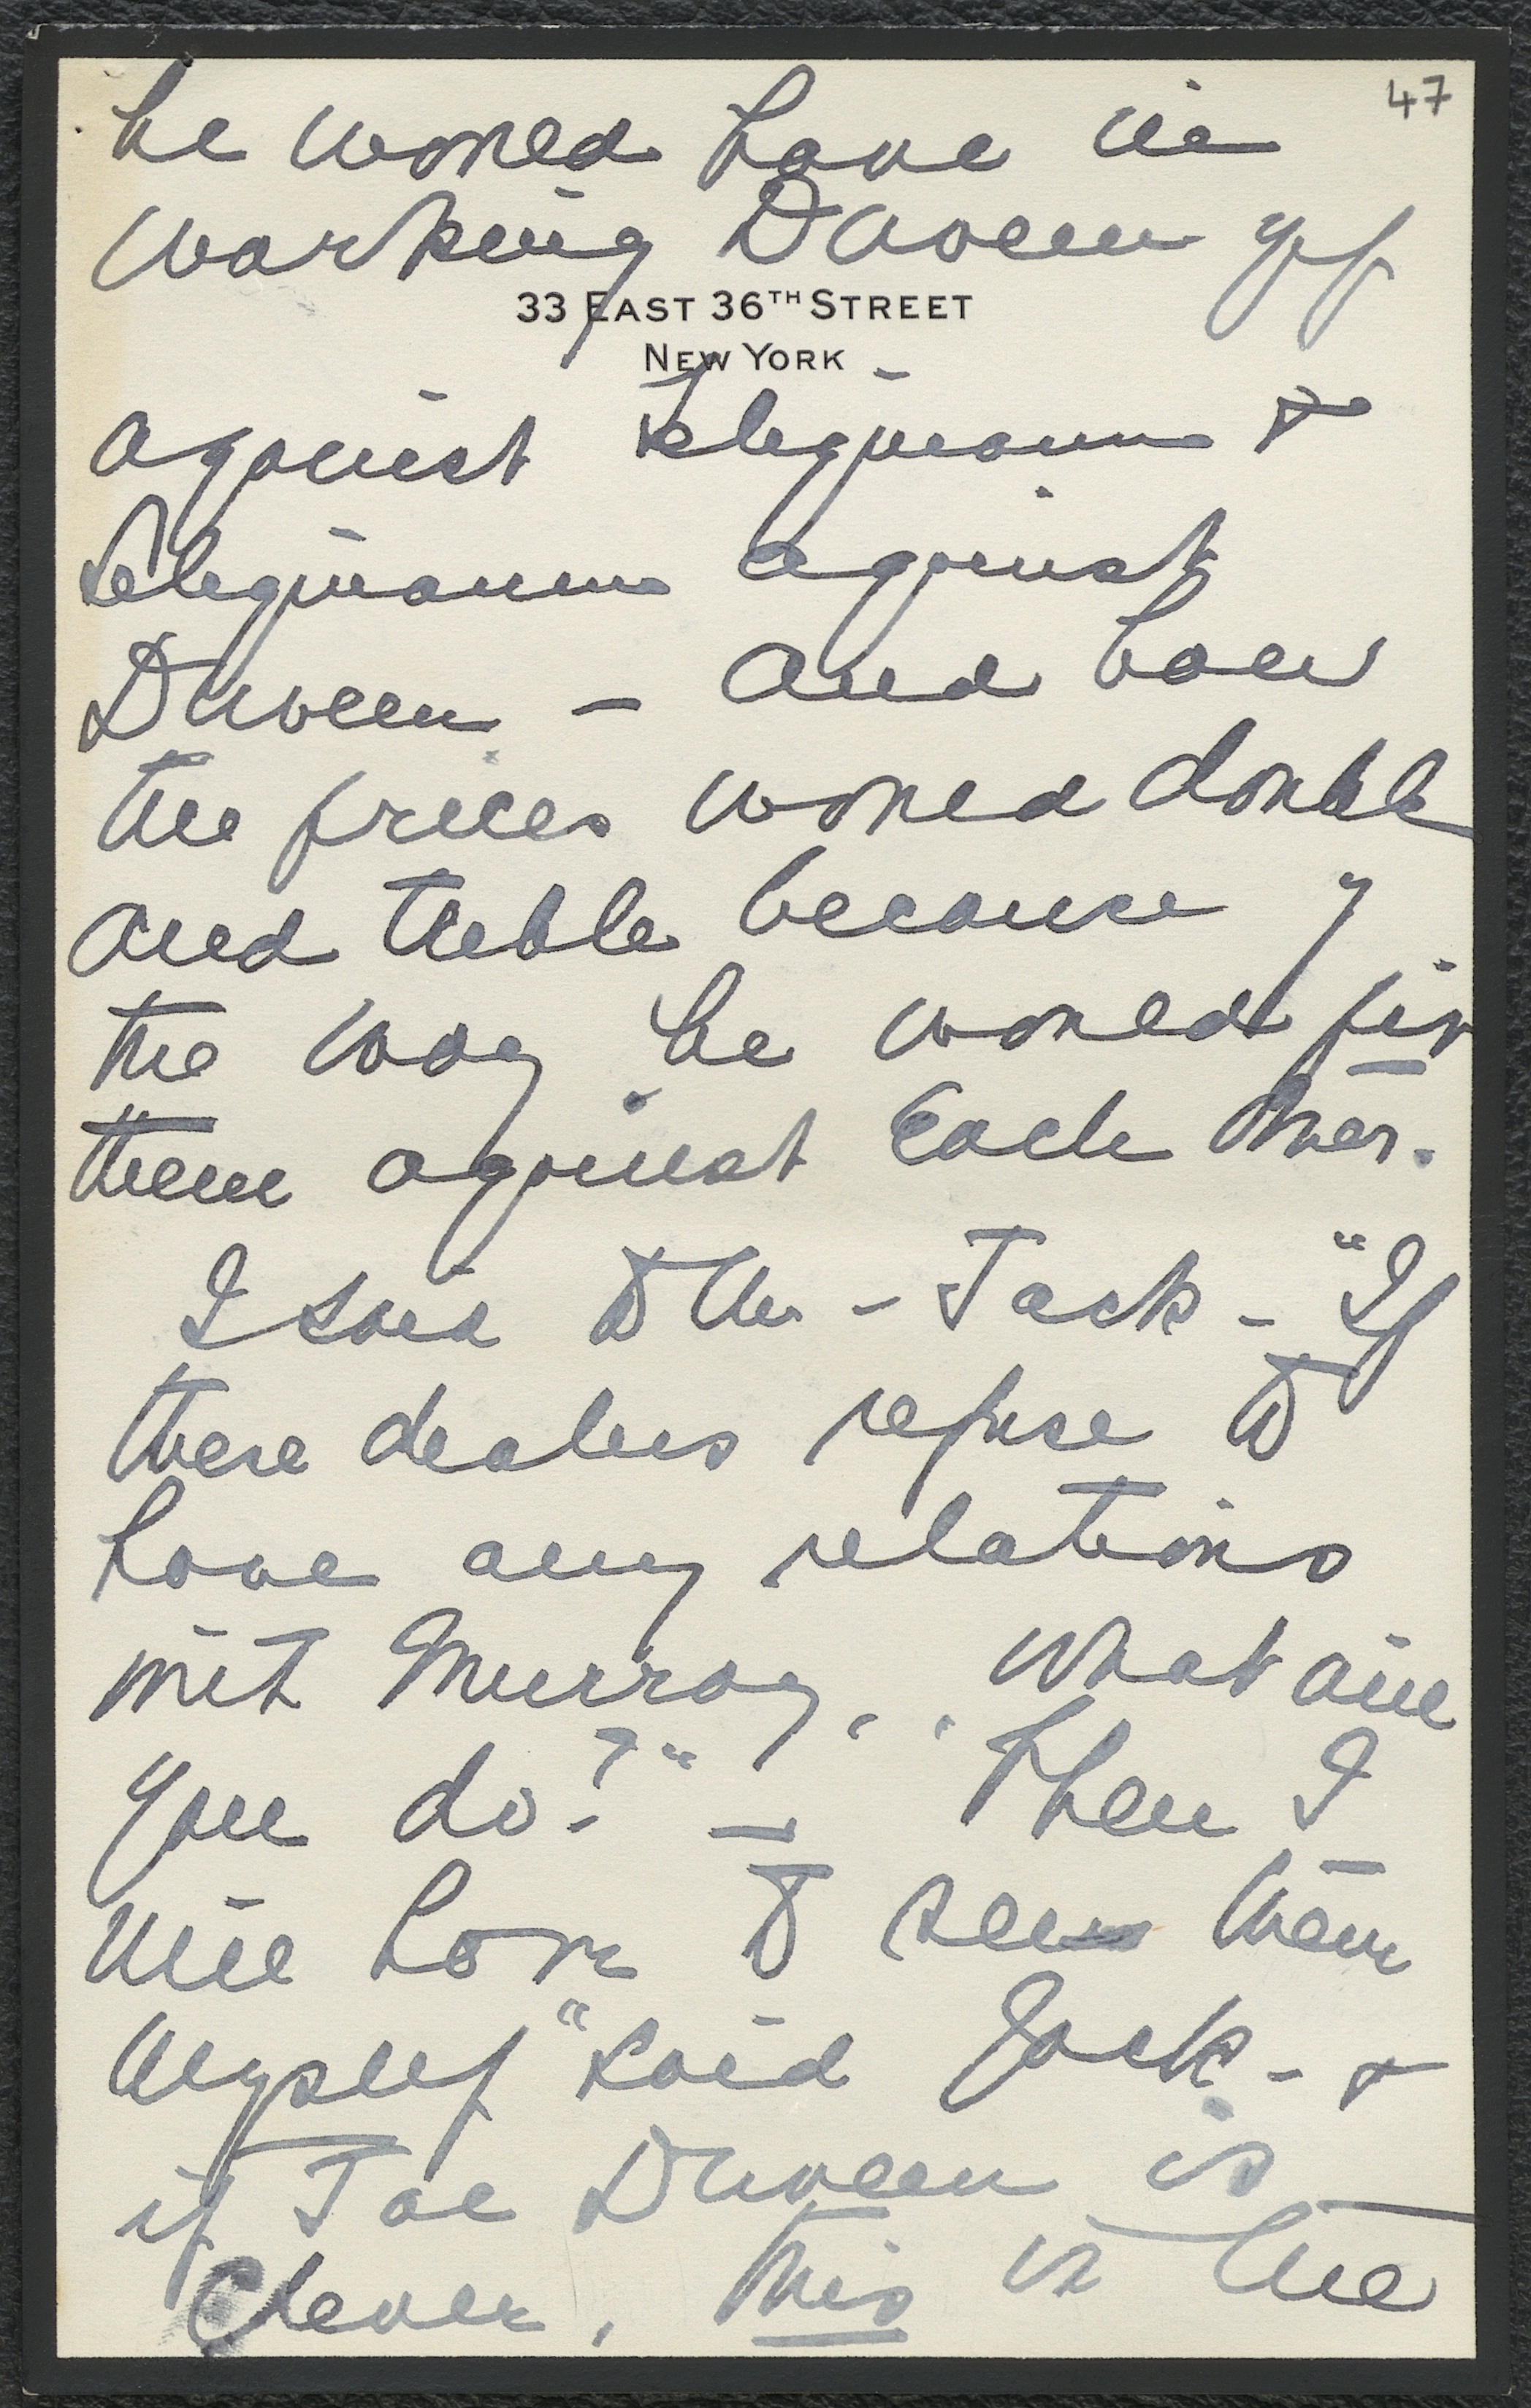he would have in working Duveen off against Seligmann & Seligmann against Duveen – and how the prices would double and treble because of the way he would fit them against each other. I said to Mr. Jack – “If these dealers refuse to have any relations with Murray, what will you do?” – “Then I will have to see them myself” said Jack – & if Joe Duveen is clever, this is the